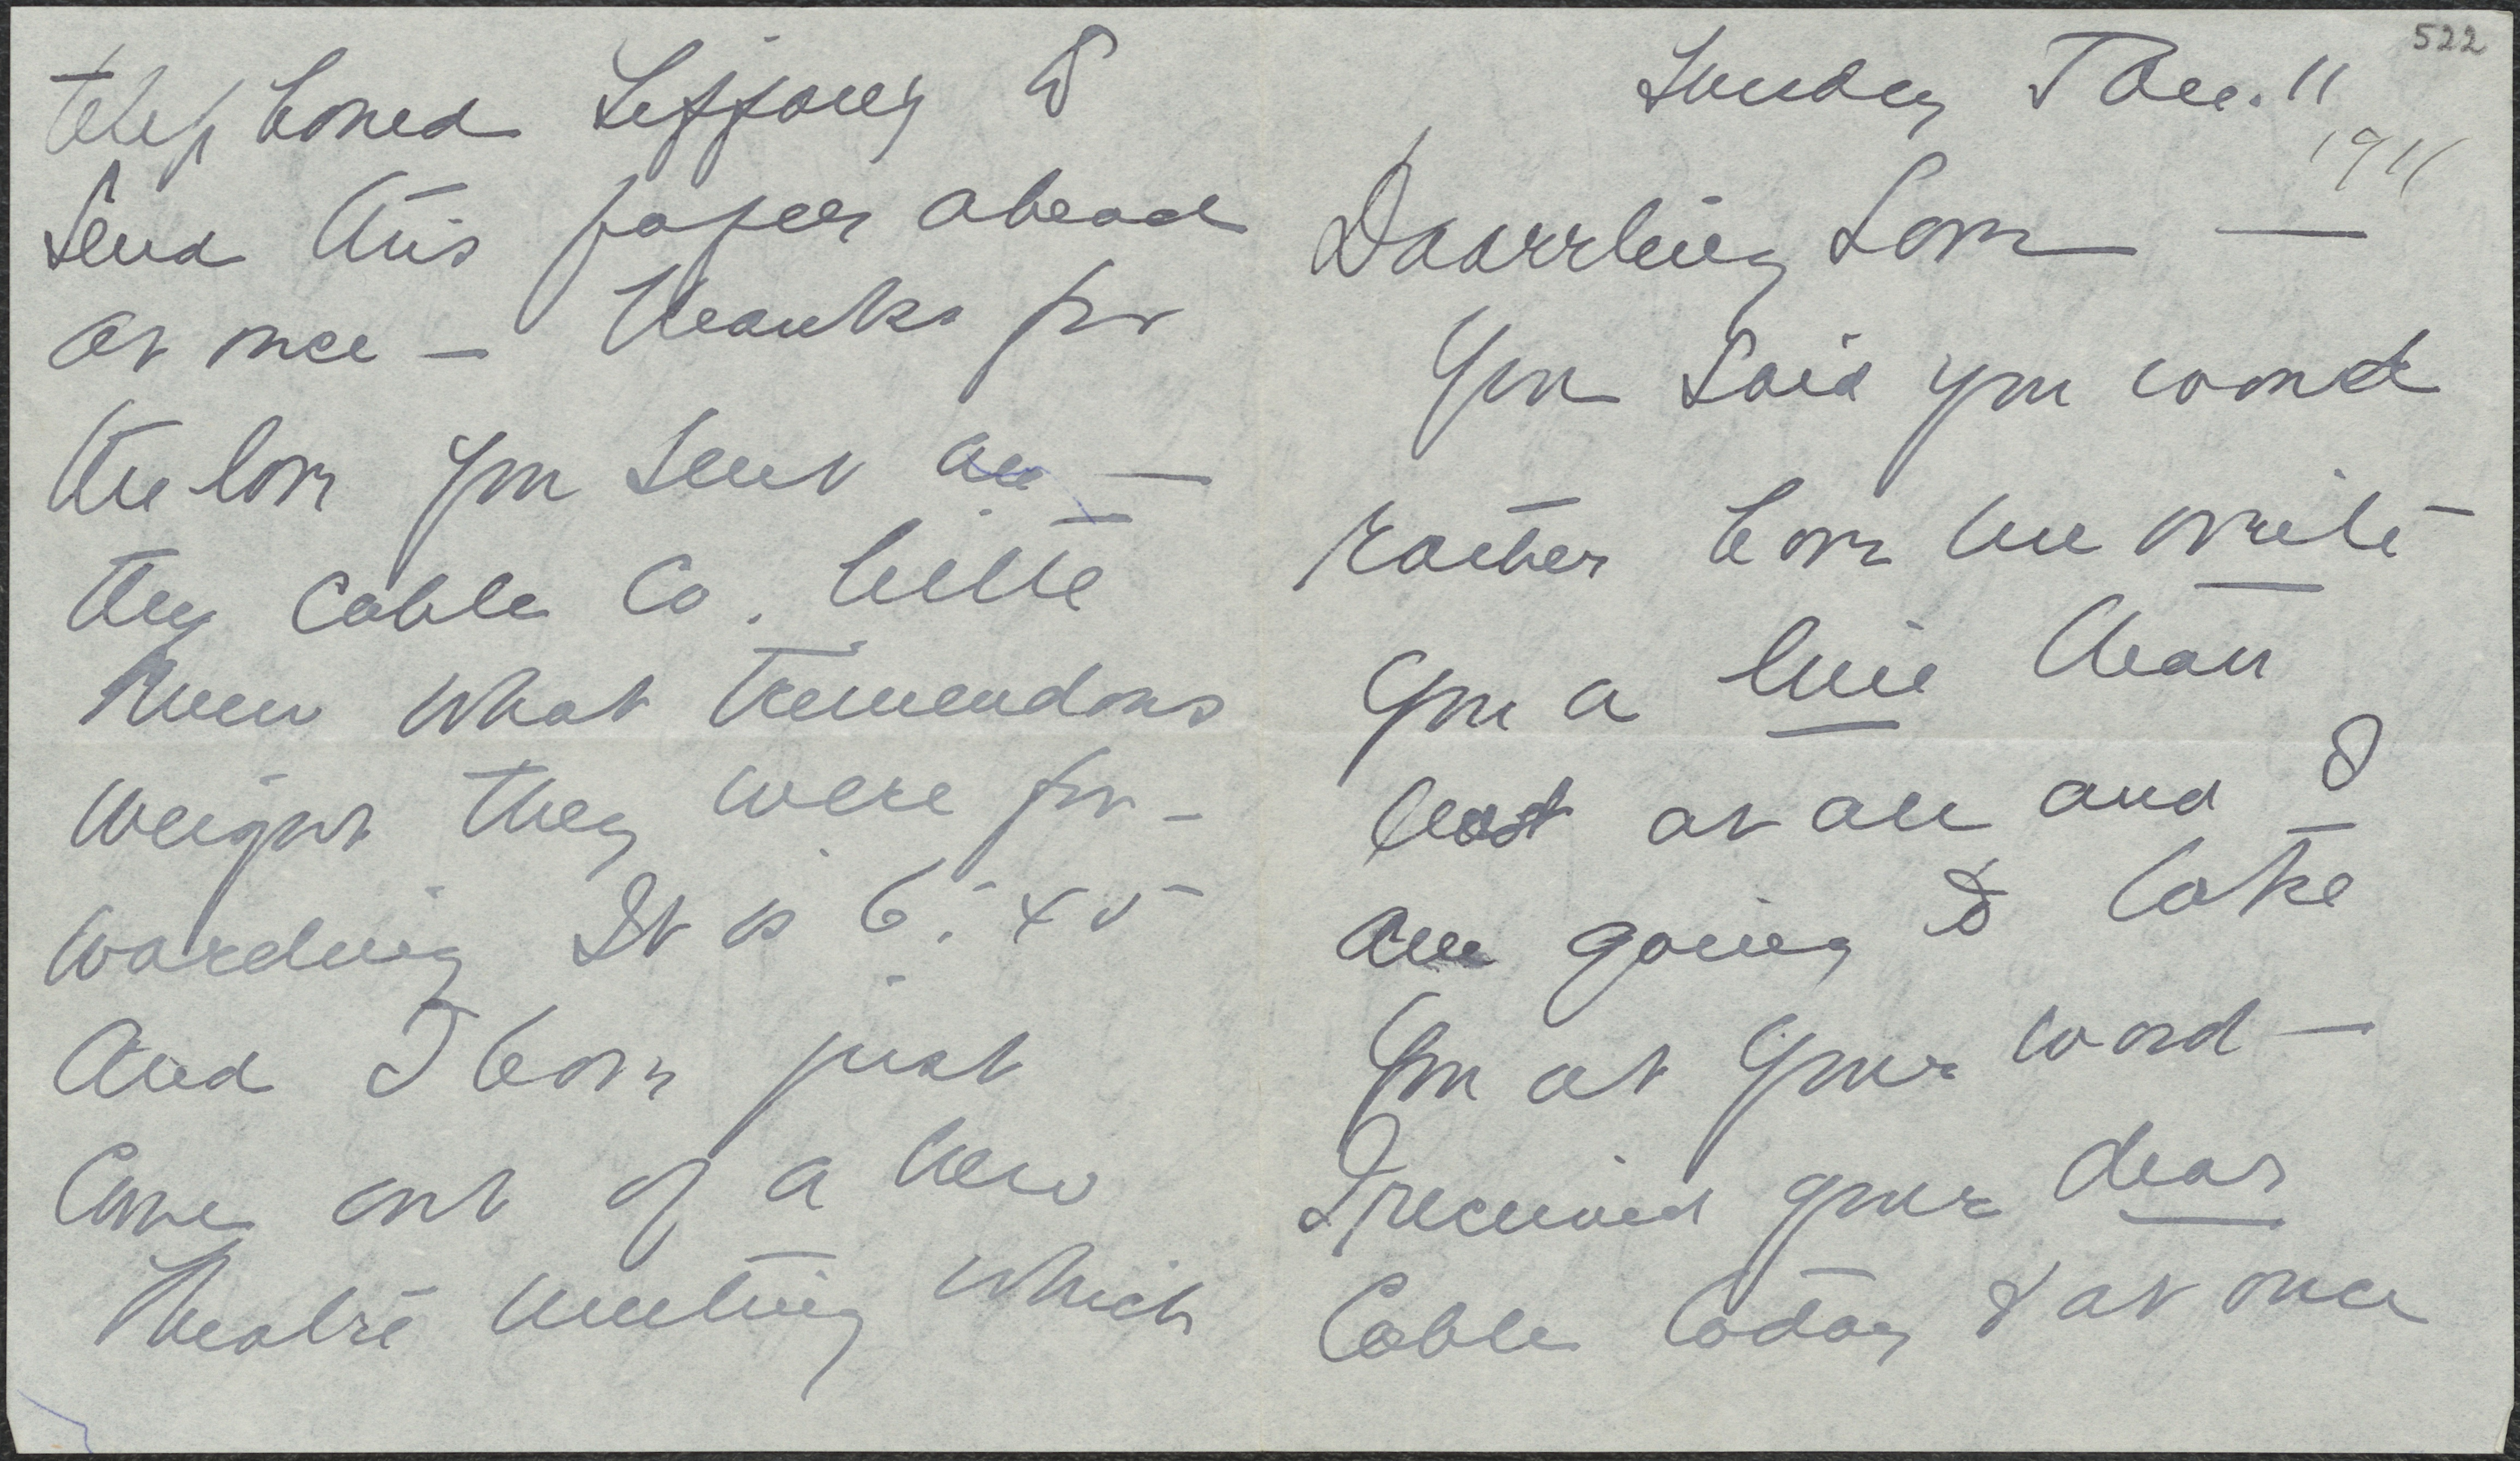Tuesday Jan. 11
Daarrling Love –
You said you would rather have me write you a line than not at all and I am going to take you at your word –
I received your dear cable today & at once
telephoned Tiffany to send this paper ahead at once – Thanks for the love you sent me – the cable co. little knew what tremendous weight they were forwarding It is 6:40 – and I have just come out of a New Theatre meeting which